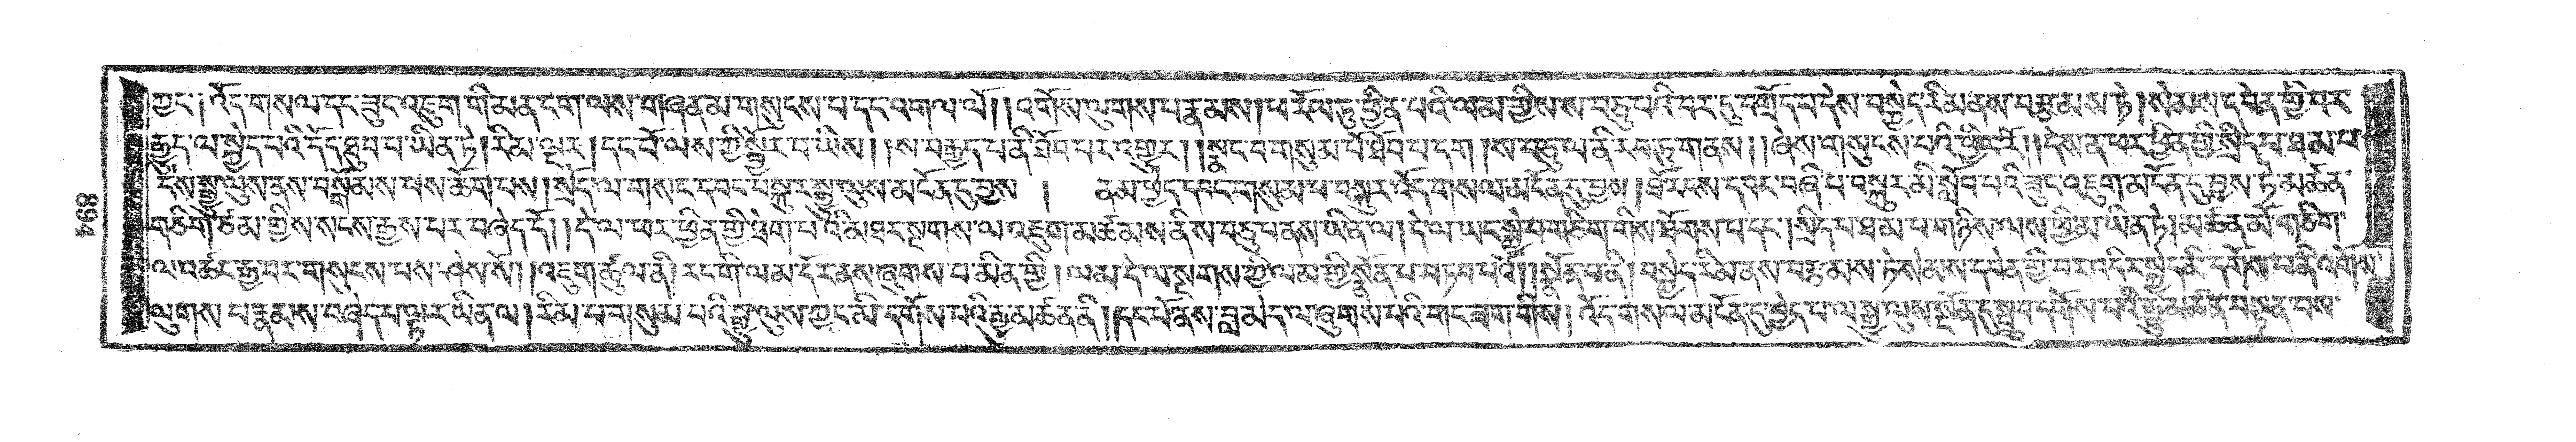ཀྱང༑ འོད་གསལ་དང་ཟུང་འཇུག་གི་མན་ངག་ལས་གཞན་མ་གསུངས་པ་དང་འགལ་ལོ། །འགོས་ལུགས་པ་རྣམས། ཕ་རོལ་ཏུ་ཕྱིན་པའི་ལམ་གྱིས་ས་བཅུ་པའི་བར་དུ་བགྲོད་བ་དེས་བསྐྱེད་རིམ་ནས་བརྩམས་ཏེ། སེམས་དབེན་གྱི་བར་
རྒྱུད་ལ་སྐྱེད་པའི་དད་ཐུབ་པ་ཡིན་ཏེ། རིམ་ལྔར། དང་པོ་ལས་ཀྱི་སྦྱོར་བ་ཡིས། །ས་བརྒྱད་པ་ནི་ཐོབ་པར་འགྱུར། །སྣང་བ་གསུམ་པོ་ཐོབ་པ་དག །ས་བཅུ་ལ་ནི་རབ་ཏུ་གནས། །ཞེས་གསུངས་པའི་ཕྱིར་རོ། །དེས་ན་ཕར་ཕྱིན་གྱི་སྲིད་པ་ཐ་མ་པ་
དེས་སྒྱུ་ལུས་ནས་བསྒོམས་པས་ཆོག་པས། སྲོད་ལ་གསང་དབང་བསྐུར་སྒྱུ་ལུས་མངོན་དུ་བྱས། ནམ་ཕྱེད་དབང་གསུམ་པ་བསྐུར་འོད་གསལ་མངོན་དུ་བྱས། ཐོ་རངས་དབང་བཞི་པ་བསྐུར་མི་སློབ་པའི་ཟུང་འཇུག་མངོན་དུ་བྱས་ཏེ་མཚན་
གཅིག་ཙམ་གྱིས་སངས་རྒྱས་པར་བཞེད་དོ། །དེ་ལ་ཕར་ཕྱིན་གྱི་ཐེག་པའི་མཐར་སྔགས་ལ་འཇུག་མཚམས་ནི་ས་བཅུ་པ་ནས་ཡིན་ལ། དེ་ལ་ཡང་སྐྱེ་བ་གཅིག་གིས་ཐོགས་པ་དང་། སྲིད་པ་ཐ་མ་པ་གཉིས་ལས་ཕྱི་མ་ཡིན་ཏེ། མཚན་མོ་གཅིག་
ལ་འཚང་རྒྱ་བར་གསུངས་པས་ཤེས་སོ། །འཇུག་ཚུལ་ནི། རང་གི་ལམ་དོར་ནས་ཞུགས་པ་མིན་གྱི། ལམ་དེ་ལ་སྔགས་ཀྱི་ལམ་གྱི་སྣོན་པ་བཏབ་པའོ། །སྣོན་པ་ནི། བསྐྱེད་རིམ་ནས་བརྩམས་ཏེ་སེམས་དབེན་གྱི་བར་འདིར་སྐྱེད་མི་དགོས་པ་ནི་འགོས་
ལུགས་པ་རྣམས་བཞེད་པ་ལྟར་ཡིན་ལ། རིམ་པ་གསུམ་པའི་སྒྱུ་ལུས་ཀྱང་མི་དགོས་པའི་རྒྱུ་མཚན་ནི། དང་པོ་ནས་བླ་མེད་ལ་ཞུགས་པའི་གང་ཟག་གིས། འོད་གསལ་མངོན་དུ་བྱེད་པ་ལ་སྒྱུ་ལུས་སྔོན་དུ་སྒྲུབ་དགོས་པའི་རྒྱུ་མཚན་བསྟན་པས་